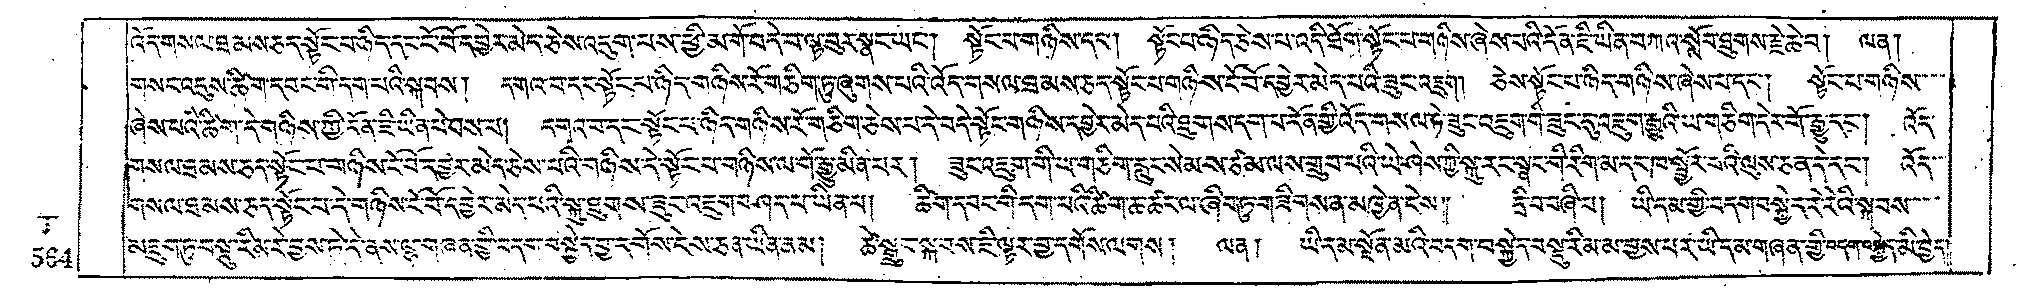འོད་གསལ་ཐམས་ཅད་སྟོང་པ་ཉིད་དང་ངོ་བོ་དབྱེར་མེད་ཅེས་འདུག་པས་ཕྱི་མ་གོ་བདེ་བ་ལྟ་བུར་སྣང་ཡང་། སྟོང་པ་གཉིས་དང་། སྟོང་པ་ཉིད་ཅེས་པ་འདི་ཐོག་སྟོང་པ་གཉིས་ཞེས་པའི་དོན་ཇི་ཡིན་བཀའ་སློབ་ཐུགས་རྗེ་ཆེ་བ། ལན།
གསང་འདུས་ཚིག་དབང་གི་དག་པའི་སྐབས། དགའ་བ་དང་སྟོང་པ་ཉིད་གཉིས་རོ་གཅིག་ཏུ་ཞུགས་པའི་འོད་གསལ་ཐམས་ཅད་སྟོང་པ་གཉིས་ངོ་བོ་དབྱེར་མེད་པའི་ཟུང་འཇུག། ཅེས་སྟོང་པ་ཉིད་གཉིས་ཞེས་པ་དང་། སྟོང་པ་གཉིས་་་
ཞེས་པའི་ཚིག་དེ་གཉིས་ཀྱི་དོན་ཇི་ཡིན་ཕེབས་པ། དགའ་བ་དང་སྟོང་པ་ཉིད་གཉིས་རོ་གཅིག་ཅེས་པ་དེ་བདེ་སྟོང་གཉིས་དབྱེར་མེད་པའི་ཐུགས་དག་པ་དོན་གྱི་འོད་གསལ་ཏེ་ཟུང་འཇུག་གི་ཟུང་དུ་འཇུག་རྒྱུའི་ཡ་གཅིག་དེར་གོ་རྒྱུ་དང་། འོད་
གསལ་ཐམས་ཅད་སྟོང་པ་གཉིས་ངོ་བོ་དབྱེར་མེད་ཅེས་པའི་གཉིས་དེ་སྟོང་པ་གཉིས་ལ་གོ་རྒྱུ་མིན་པར། ཟུང་འཇུག་གི་ཡ་གཅིག་རླུང་སེམས་ཙམ་ལས་གྲུབ་པའི་ཡེ་ཤེས་ཀྱི་སྐུ་རང་སྣང་གི་རིག་མ་དང་ཁ་སྦྱོར་བའི་ལུས་ཅན་དེ་དང་། འོད་་་
གསལ་ཐམས་ཅད་སྟོང་པ་དེ་གཉིས་ངོ་བོ་དབྱེར་མེད་པའི་སྐུ་ཐུགས་ཟུང་འཇུག་བཤད་པ་ཡིན་པ། ཚིག་དབང་གི་དག་པའི་ཚིག་ཆ་ཚང་ལ་ཞིབ་ཏུ་གཟིགས་ན་མཁྱེན་ངེས།། དྲི་བ་བཞི་པ། ཡི་དམ་གྱི་བདག་བསྐྱེད་རེ་རེའི་སྐབས་་་
མཇུག་ཏུ་བསྡུ་རིམ་རེ་བྱས་ཏེ། དེ་ནས་ལྷ་གཞན་གྱི་བདག་བསྐྱེད་བྱ་དགོས་ངེས་ཅན་ཡིན་ནམ། ཚེ་སྒྲུབ་སྐབས་ཇི་ལྟར་བྱ་དགོས་ལགས། ལན། ཡི་དམ་སྔོན་མའི་བདག་བསྐྱེད་བསྡུ་རིམ་མ་བྱས་པར་ཡི་དམ་གཞན་གྱི་བདག་བསྐྱེད་མི་བྱེད།